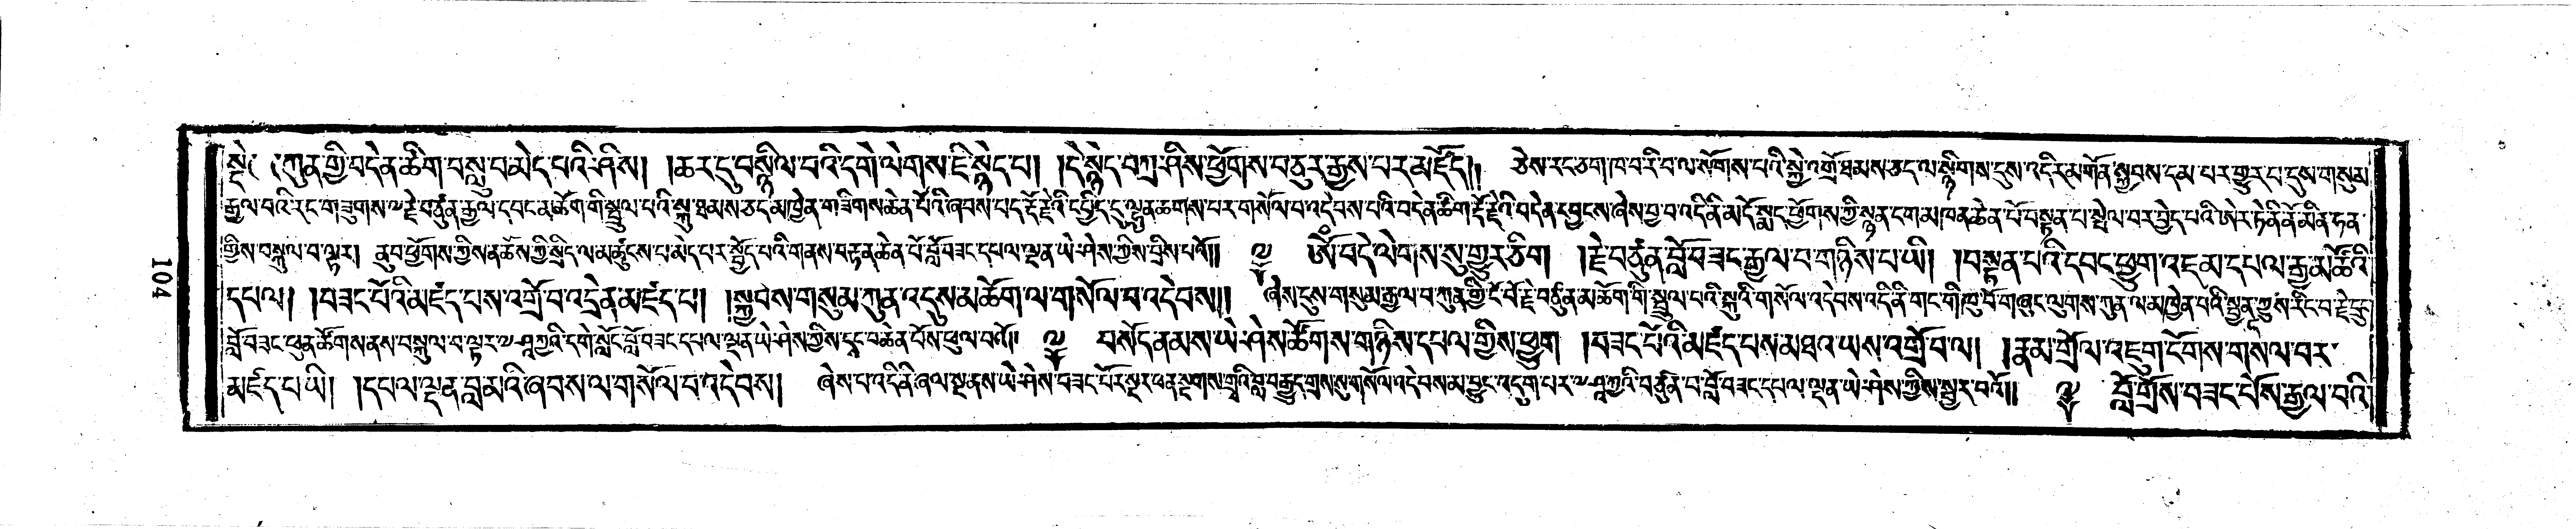སྡེ༑ ༑ཀུན་གྱི་བདེན་ཚིག་བསླུ་བ་མེད་པའི་ཤིས། །ཆར་དུ་བསྙིལ་བའི་དགེ་ལེགས་ཇི་སྙེད་པ། །དེ་སྙེད་བཀྲ་ཤིས་ཕྱོགས་བཅུར་རྒྱས་པར་མཛོད།། ཅེས་རང་ཅག་ཁ་བ་རི་བ་ལ་སོགས་པའི་སྐྱེ་འགྲོ་ཐམས་ཅད་ལ་སྙིགས་དུས་འདིར་མགོན་སྐྱབས་དམ་པར་གྱུར་པ་དུས་གསུམ་
རྒྱལ་བའི་རང་གཟུགས་༧རྗེ་བཙུན་རྒྱལ་དབང་མཆོག་གི་སྤྲུལ་པའི་སྐུ་ཐམས་ཅད་མཁྱེན་གཟིགས་ཆེན་པོའི་ཞབས་པད་རྡོ་རྗེའི་དཔྱིད་དུ་ལྷུན་ཆགས་པར་གསོལ་བ་འདེབས་པའི་བདེན་ཚིག་རྡོ་རྗེའི་བདེན་དབྱངས་ཞེས་བྱ་བ་འདི་ནི་མདོ་སྨད་ཕྱོགས་ཀྱི་སྙན་ངག་མཁན་ཆེན་པོ་བསྟན་པ་སྤེལ་བར་བྱེད་པའི་ཨེར་ཏེ་ནི་ནོ་མིན་ཧན་
གྱིས་བསྐུལ་བ་ལྟར། ནུབ་ཕྱོགས་ཀྱིས་ན་ཆོས་ཀྱི་སྲིད་ལ་མཚུངས་པ་མེད་པར་སྤྱོད་པའི་གནས་བརྟན་ཆེན་པོ་བློ་བཟང་དཔལ་ལྡན་ཡེ་ཤེས་ཀྱིས་བྲིས་པའོ།། ༈ ཨོཾ་བདེ་ལེགས་སུ་གྱུར་ཅིག །རྗེ་བཙུན་བློ་བཟང་རྒྱལ་བ་གཉིས་པ་ཡི། །བསྟན་པའི་དབང་ཕྱུག་འཇམ་དཔལ་རྒྱ་མཚོའི་
དཔལ། །བཟང་པོའི་མཛད་པས་འགྲོ་བ་འདྲེན་མཛད་པ། །སྐྱབས་གསུམ་ཀུན་འདུས་མཆོག་ལ་གསོལ་བ་འདེབས།། ཞེས་དུས་གསུམ་རྒྱལ་བ་ཀུན་གྱི་ངོ་བོ་རྗེ་བཙུན་མཆོག་གི་སྤྲུལ་པའི་སྐུའི་གསོལ་འདེབས་འདི་ནི་གང་གི་ཁུ་བོ་གཞུང་ལུགས་ཀུན་ལ་མཁྱེན་པའི་སྤྱན་དཀྱུས་རིང་བ་རྗེ་དྲུང་
བློ་བཟང་ཕུན་ཚོགས་ནས་བསྐུལ་བ་ལྟར་༧་ཤཱཀྱའི་དགེ་སློང་བློ་བཟང་དཔལ་ལྡན་ཡེ་ཤེས་ཀྱིས་དྭང་བ་ཆེན་པོས་ཕུལ་བའོ།། ༈ བསོད་ནམས་ཡེ་ཤེས་ཚོགས་གཉིས་དཔལ་གྱིས་ཕྱུག །བཟང་པོའི་མཛད་པས་མཐའ་ཡས་འགྲོ་བ་ལ། །རྣམ་གྲོལ་འཇུག་ངོགས་གསལ་བར་
མཛད་པ་ཡི། །དཔལ་ལྡན་བླ་མའི་ཞབས་ལ་གསོལ་བ་འདེབས། ཞེས་པ་འདི་ནི་ཞལ་སྔ་ནས་ཡེ་ཤེས་བཟང་པོར་སྔར་ཕན་སྔགས་གྲྭའི་བླ་བརྒྱུད་གྲས་སུ་གསོལ་འདེབས་མ་བྱུང་འདུག་པར་༧་ཤཱཀྱའི་བཙུན་པ་བློ་བཟང་དཔལ་ལྡན་ཡེ་ཤེས་ཀྱིས་སྦྱར་བའོ།། ༈ བློ་གྲོས་བཟང་པོས་རྒྱལ་བའི་